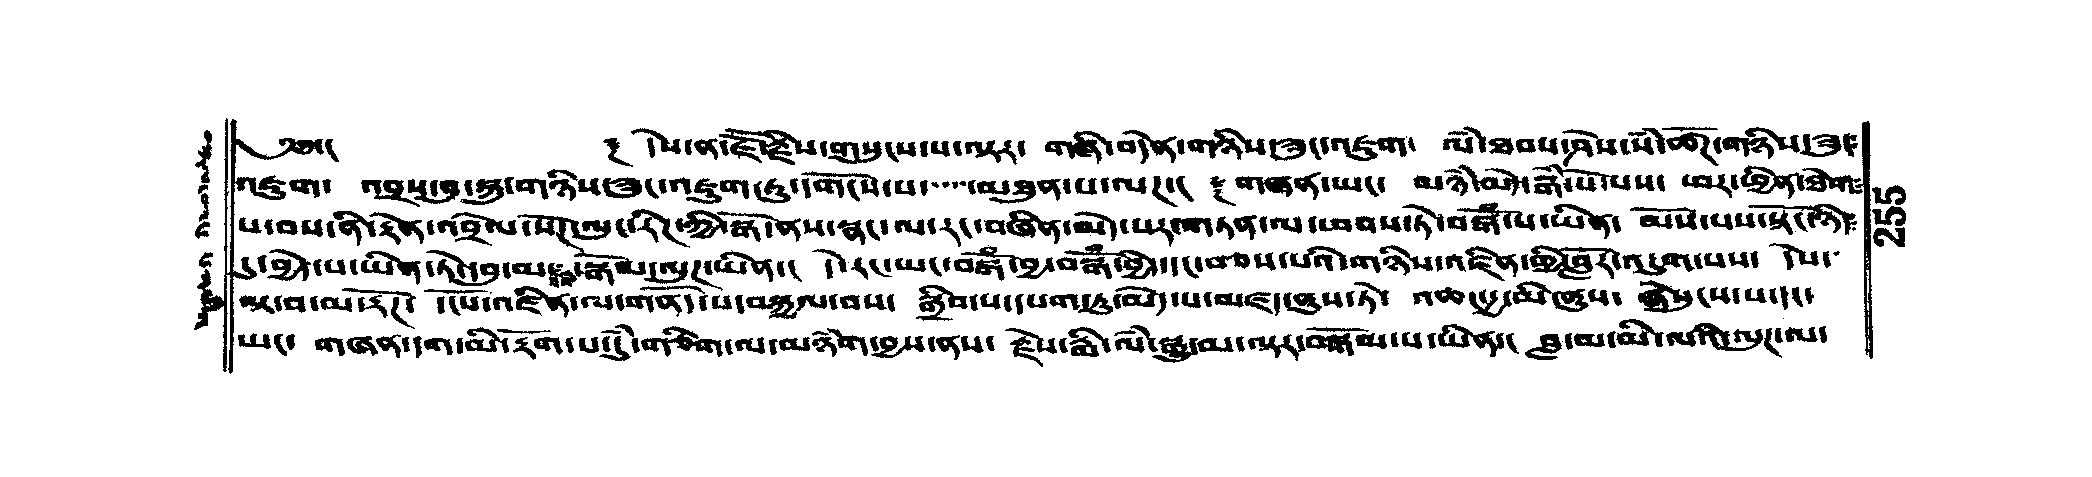དེས་ན་ཇོ་བོ་རྗེས་གསུངས་པ་ལྟར། གཞི་བདེན་གཉིས་ཟུང་འཇུག ལམ་ཐབས་ཤེས་སམ་ཚོགས་གཉིས་ཟུང་
འཇུག འབྲས་བུ་སྐུ་གཉིས་ཟུང་འཇུག་ཏུ་དགོངས་པ་མཐུན་པ་ལགས། ༈ གཞན་ཡང་། མཉམ་མེད་སྒམ་པོ་པས། ཕར་ཕྱིན་ཐེག་
པ་བས་ནི་རྟེན་འབྲེལ་སོགས་ལུང་རིགས་ཀྱི་སྒོ་ནས་སྣང་ལ་རང་བཞིན་མེད་པར་གཏན་ལ་ཕབས་ཏེ་བསྒོམ་པ་ཡིན། མོས་པས་སྟོང་ཉིད་
དུ་བྱེད་པ་ཡིན་ཏེ་དབུ་མ་པའི་སྒོམ་ལུགས་ཡིན། དེ་རང་ཡང་བསྒོམ་བྱ་སྒོམ་བྱེད་དང་བཅས་པའི་གཉིས་འཛིན་གྱི་བློར་འདུག་པས། དེས་
ལྟ་བ་མ་རྟོགས། དངོས་འཛིན་ལ་གནོད་པ་བསྐྱལ་བས། སྒྲིབ་པ་དཔག་ཏུ་མེད་པ་འཛད་ནུས་ཏེ་འཚང་རྒྱ་མི་ནུས། ཞེས་གསུངས་པ་དང་། 
ཡང་ གཞན་དག་མི་རྟོག་པ་དུམ་གཅིག་ལ་མཉམ་བཞག་བྱས་ནས། རྗེས་རྨི་ལམ་སྒྱུ་མ་ལྟར་བསྒོམ་པ་ཡིན། བླ་མ་མི་ལའི་ལུགས་ལ་